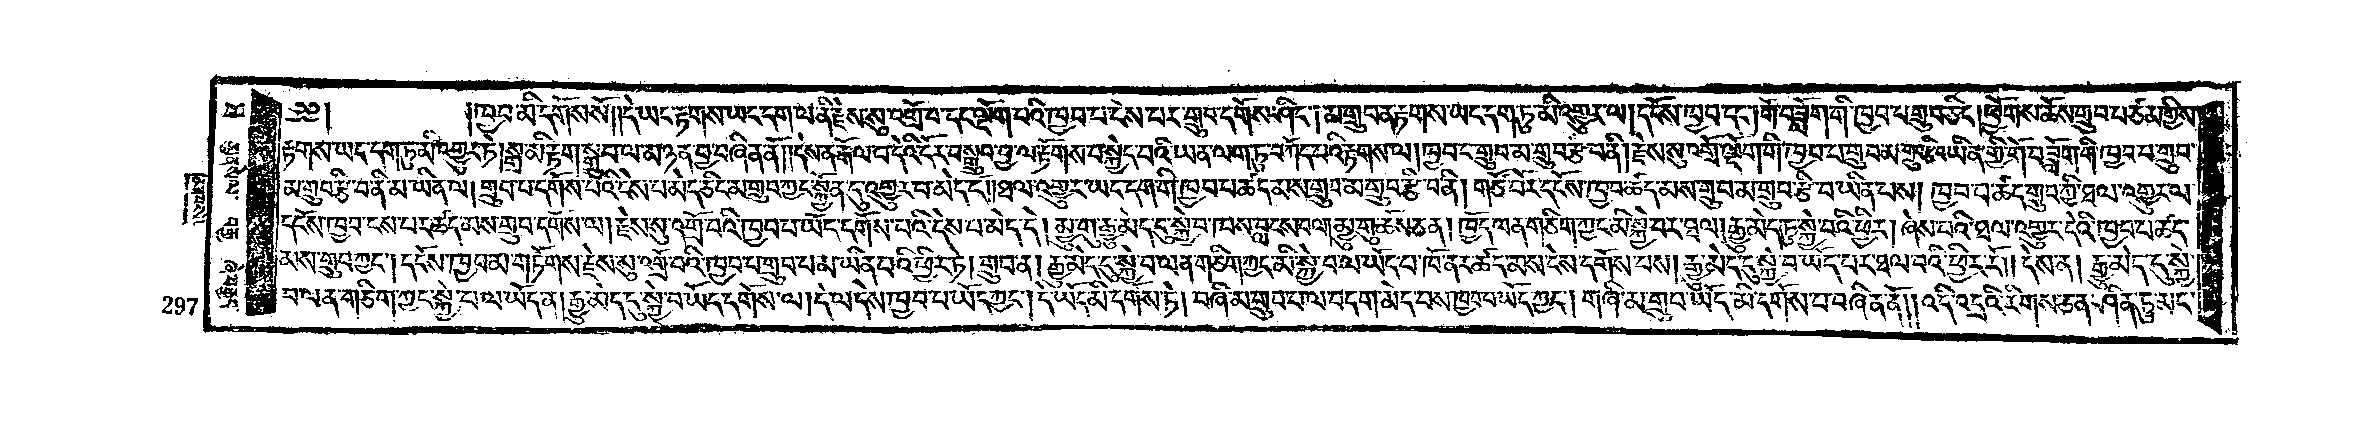༄༅། ༑ཁྱབ་མི་དགོས་སོ། །དེ་ཡང་རྟགས་ཡང་དག་ལ་ནི་རྗེས་སུ་འགྲོ་བ་དང་ལྡོག་པའི་ཁྱབ་པ་ངེས་པར་གྲུབ་དགོས་ཤིང་། མ་གྲུབ་ན་རྟགས་ཡང་དག་ཏུ་མི་འགྱུར་ལ། དངོས་ཁྱབ་དང་། གོ་བཟློག་གི་ཁྱབ་པ་གྲུབ་ཅིང་། ཕྱོགས་ཆོས་གྲུབ་པ་ཙམ་གྱིས་
རྟགས་ཡང་དག་ཏུ་མི་འགྱུར་ཏེ། སྒྲ་མི་རྟག་སྒྲུབ་ལ་མཉན་བྱ་བཞིན་ནོ། །དེས་ན་རྒོལ་བ་དེའི་ངོར་བསྒྲུབ་བྱ་ལ་རྟོགས་པ་སྐྱེད་པའི་ཡན་ལག་ཏུ་བཀོད་པའི་རྟགས་ལ། ཁྱབ་པ་གྲུབ་མ་གྲུབ་རྩི་བ་ནི། རྗེས་སུ་འགྲོ་ལྡོག་གི་ཁྱབ་པ་གྲུབ་མ་གྲུབ་རྩི་བ་ཡིན་གྱི་གོ་བཟློག་གི་ཁྱབ་པ་གྲུབ་
མ་གྲུབ་རྩི་བ་ནི་མ་ཡིན་ལ། གྲུབ་པ་དགོས་པའི་ངེས་པ་མེད་ཅིང་མ་གྲུབ་ཀྱང་སྐྱོན་དུ་འགྱུར་བ་མེད་དོ། །ཐལ་འགྱུར་ཡང་དག་གི་ཁྱབ་པ་ཚད་མས་གྲུབ་མ་གྲུབ་རྩི་བ་ནི། གཙོ་བོར་དངོས་ཁྱབ་ཚད་མས་གྲུབ་མ་གྲུབ་རྩི་བ་ཡིན་པས། ཁྱབ་པ་ཚད་གྲུབ་ཀྱི་ཐལ་འགྱུར་ལ་
དངོས་ཁྱབ་ངེས་པར་ཚད་མས་གྲུབ་དགོས་ལ། རྗེས་སུ་འགྲོ་བའི་ཁྱབ་པ་ཡོད་དགོས་པའི་ངེས་པ་མེད་དེ། མྱུ་གུ་རྒྱུ་མེད་དུ་སྐྱེ་བ་ཁས་བླངས་པ་ལ། མྱུ་གུ་ཆོས་ཅན། ཁྱོད་ལན་གཅིག་ཀྱང་མི་སྐྱེ་བར་ཐལ། རྒྱུ་མེད་དུ་སྐྱེ་བའི་ཕྱིར། ཞེས་པའི་ཐལ་འགྱུར་དེའི་ཁྱབ་པ་ཚད་
མས་གྲུབ་ཀྱང་། དངོས་ཁྱབ་མ་གཏོགས་རྗེས་སུ་འགྲོ་བའི་ཁྱབ་པ་གྲུབ་པ་མ་ཡིན་པའི་ཕྱིར་ཏེ། གྲུབ་ན། རྒྱུ་མེད་དུ་སྐྱེ་བ་ལན་གཅིག་ཀྱང་མི་སྐྱེ་བ་ལ་ཡོད་པ་ཁོ་ནར་ཚད་མས་ངེས་དགོས་པས། རྒྱུ་མེད་དུ་སྐྱེ་བ་ཡོད་པར་ཐལ་བའི་ཕྱིར་རོ། །དེས་ན། རྒྱུ་མེད་དུ་སྐྱེ་
བ་ལན་གཅིག་ཀྱང་སྐྱེ་བ་ལ་ཡོད་ན། རྒྱུ་མེད་དུ་སྐྱེ་བ་ཡོད་དགོས་ལ། དེ་ལ་དེས་ཁྱབ་པ་ཡོད་ཀྱང་། དེ་ཡོད་མི་དགོས་ཏེ། བཞི་མ་གྲུབ་པ་ལ་བདག་མེད་པས་ཁྱབ་པ་ཡོད་ཀྱང་། གཞི་མ་གྲུབ་ཡོད་མི་དགོས་པ་བཞིན་ནོ། །འདི་འདྲའི་རིགས་ཅན་ཤིན་ཏུ་མང་